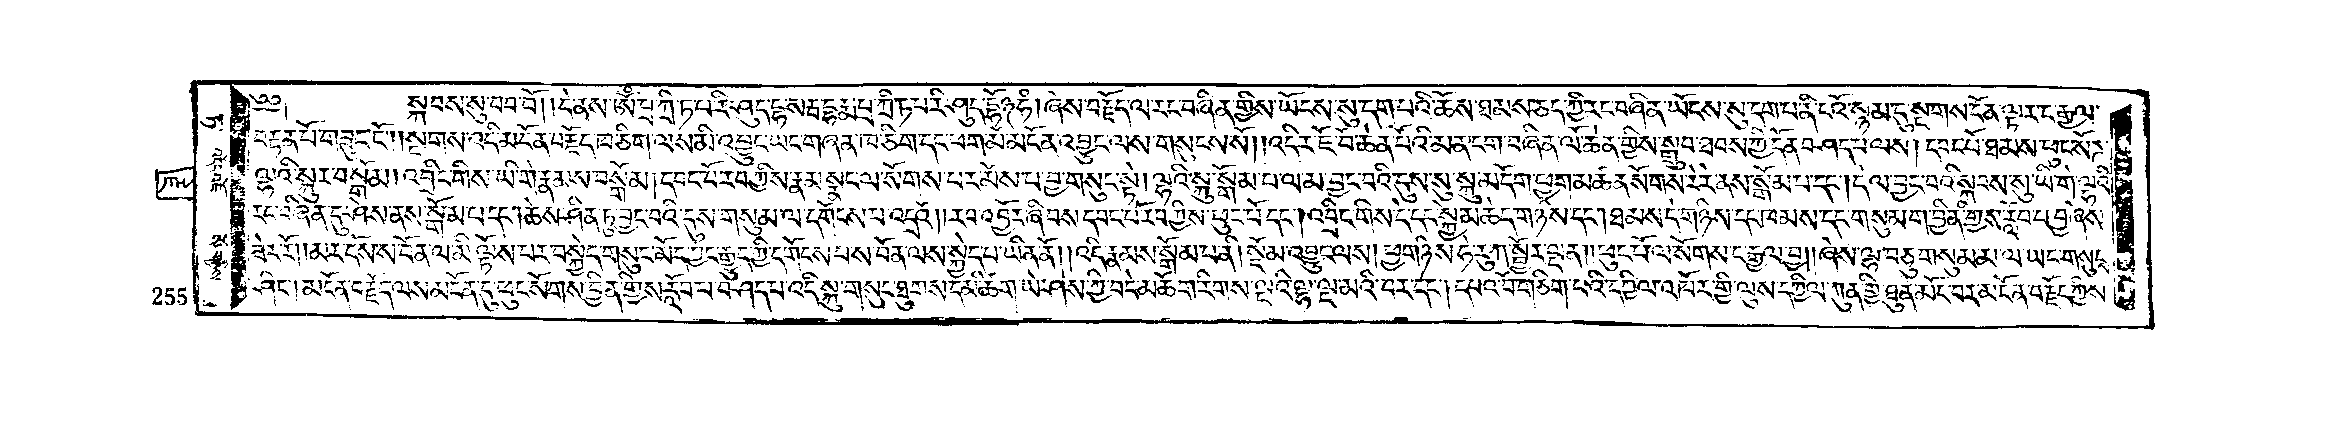༄༅། །སྐབས་སུ་བབ་བོ། །དེ་ནས་ཨོཾ་པྲ་ཀྲི་ཏ་པ་རི་ཤུད་དྷ་སརྦ་དྷརྨ་པྲ་ཀྲི་ཏ་པ་རི་ཤུད་དྷོཉཧཾ། ཞེས་བརྗོད་ལ་རང་བཞིན་གྱིས་ཡོངས་སུ་དག་པའི་ཆོས་ཐམས་ཅད་ཀྱི་རང་བཞིན་ཡོངས་སུ་དག་པ་ནི་ངའོ་སྙམ་དུ་སྔགས་དོན་ལྟར་ང་རྒྱལ་
བརྟན་པོ་གཟུང་ངོ། །སྔགས་འདི་མངོན་བརྗོད་ཁ་ཅིག་ལས་མི་འབྱུང་ཡང་གཞན་ཁ་ཅིག་དང་ཕག་མོ་མངོན་འབྱུང་ལས་གསུངས་སོ། །འདིར་ཇོ་བོ་ཆེན་པོའི་མན་ངག་བཞིན་ལོ་ཆེན་གྱིས་སྒྲུབ་ཐབས་ཀྱི་དོན་བཤད་པ་ལས། དབང་པོ་ཐམས་ཕུང་སོགས་
ལྷའི་སྐུར་བསྒོམ། འབྲིང་གིས་ཡི་གེ་རྣམས་བསྒོམ། དབང་པོ་རབ་ཀྱིས་རྣམ་སྣང་ལ་སོགས་པར་མོས་པ་བྱ་གསུང་སྟེ། ལྷའི་སྐུ་སྒོམ་པ་ལ་མ་བྱང་བའི་དུས་སུ་སྐུ་མདོག་ཕྱག་མཚན་སོགས་རེ་རེ་ནས་སྒོམ་པ་དང་། དེ་ལ་བྱང་བའི་སྐབས་སུ་ཡི་གེ་ལྷའི་
རང་བཞིན་དུ་ཤེས་ནས་སྒོམ་པ་དང་། ཆེས་ཤིན་ཏུ་བྱང་བའི་དུས་གསུམ་ལ་དགོངས་པ་འདྲའོ། །རབ་འབྱོར་ཞི་བས་དབང་པོ་རབ་ཀྱིས་ཕུང་པོ་དང་། འབྲིང་གིས་དེ་དང་སྐྱེ་མཆེད་གཉིས་དང་། ཐ་མས་དེ་གཉིས་དང་ཁམས་དང་གསུམ་ག་བྱིན་གྱིས་རློབ་པ་བྱ་ཞེས་
ཟེར་རོ། །མར་དོས་ས་བོན་ལ་མི་ལྟོས་པར་བསྐྱེད་གསུང་མོད་ཀྱང་རྒྱུད་ཀྱི་དགོངས་པས་བོན་ལས་སྐྱེད་པ་ཡིན་ནོ། །འདི་རྣམས་སྒོམ་པ་ནི། སྡོམ་འབྱུང་ལས། ཕྱག་གཉིས་ཧེ་རུ་ཀ་སྦྱོར་ལྡན། །ཕུང་པོ་ལ་སོགས་ང་རྒྱལ་བྱ། །ཞེས་ལྷ་བཅུ་གསུམ་མ་ལ་ཡང་གསུངས་
ཤིང་། མངོན་བརྗོད་ལས་མངོན་དུ་ཕུང་སོགས་བྱིན་གྱིས་རློབ་པ་བཤད་པ་འདི་སྐུ་གསུང་ཐུགས་དམ་ཚིག་ཡེ་ཤེས་ཀྱི་བདེ་མཆོག་རིགས་ལྔའི་ལྷ་ལྔ་མའི་བར་དང་། དཔའ་བོ་གཅིག་པའི་དཀྱིལ་འཁོར་གྱི་ལུས་དཀྱིལ་ཀུན་གྱི་ཐུན་མོང་བར་མངོན་བརྗོད་ཀྱིས་